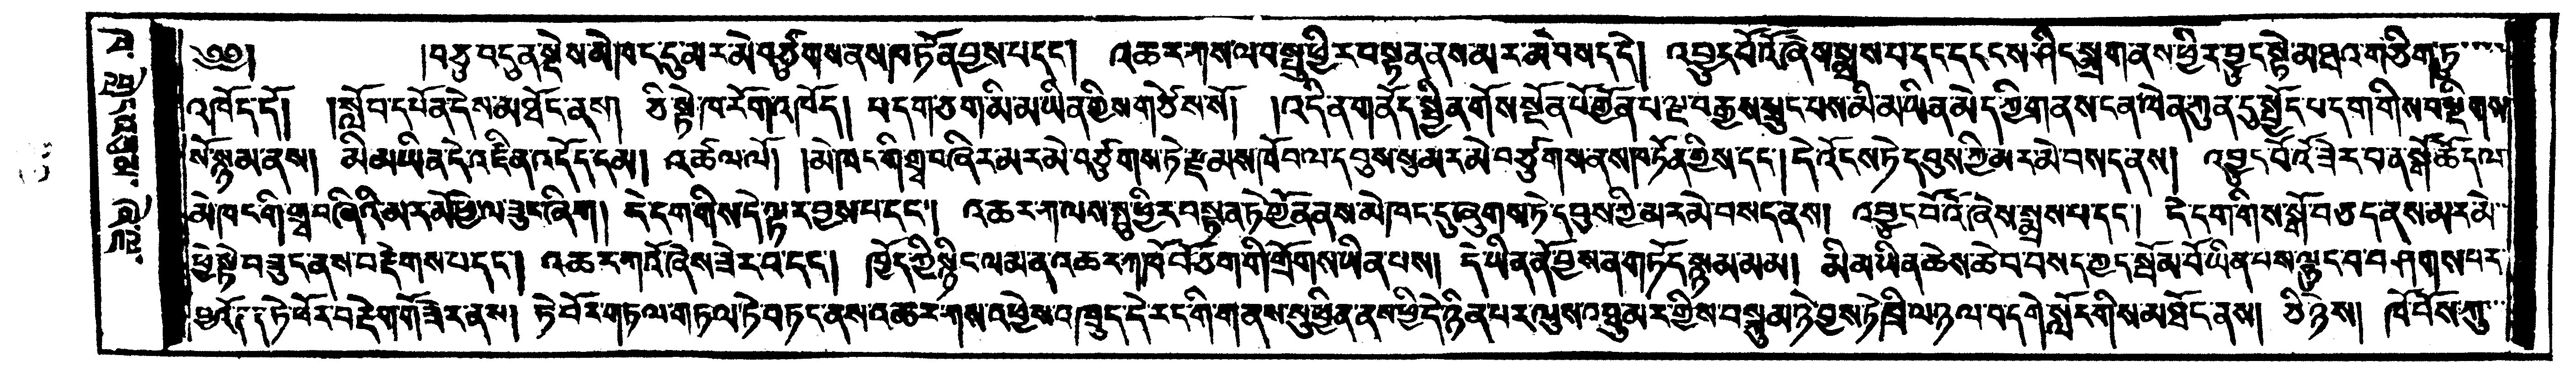༄༅། །བཅུ་བདུན་སྡེས་མེ་ཁང་དུ་མར་མེ་བཙུགས་ནས་ཁ་ཏོན་བྱས་པ་དང་། འཆར་ཀས་ལ་བ་སྤུ་ཕྱིར་བསྟན་ནས་མར་མེ་བསད་དེ། འབྱུང་བོའོ་ཞེས་སྨྲས་པ་དང་དངགས་ཤིང་སྐྲག་ནས་ཕྱིར་བྱུང་སྟེ་མཐའ་གཅིག་ཏུ་
འཁོད་དོ། །སློབ་དཔོན་དེས་མཐོང་ནས། ཅི་སྟེ་ཁ་རོག་འཁོད། བདག་ཅག་མི་མ་ཡིན་གྱིས་གཙེས་སོ། །འདི་ན་གནོད་སྦྱིན་གོས་སྔོན་པོ་གྱོན་པ་ལྔ་བརྒྱས་སྲུང་པས་མི་མ་ཡིན་མེད་ཀྱི་གནས་ངན་ལེན་ཀུན་དུ་སྤྱོད་པ་དག་གིས་བསྡིགས་
སོ་སྙམ་ནས། མི་མ་ཡིན་དེ་འཛིན་འདོད་དམ། འཚལ་ལོ། །མེ་ཁང་གི་གྲྭ་བཞིར་མར་མེ་བཙུགས་ཏེ་རྫམས་ཁོབ་ལ་དབུས་སུ་མར་མེ་བཙུགས་ནས་ཁ་ཏོན་གྱིས་དང་། དེ་འོངས་ཏེ་དབུས་ཀྱི་མར་མེ་བསད་ནས། འབྱུང་བོའོ་ཟེར་བ་ན་སྒོ་ཆོད་ལ་
མེ་ཁང་གི་གྲྭ་བཞིའི་མར་མེ་ཕྱེ་ལ་ཟུང་ཞིག། དེ་དག་གིས་དེ་ལྟར་བྱས་པ་དང་། འཆར་ཀ་ལས་སྤུ་ཕྱིར་བསྟན་ཏེ་གྱོན་ནས་མེ་ཁང་དུ་ཞུགས་ཏེ་དབུས་ཀྱི་མར་མེ་བསད་ནས། འབྱུང་བོའོ་ཞེས་སྨྲས་པ་དང་། དེ་དག་གིས་སྒོ་བཅད་ནས་མར་མེ་
ཕྱེ་སྟེ་བཟུང་ནས་བརྡེགས་པ་དང་། འཆར་ཀའོ་ཞེས་ཟེར་བ་དང་། ཁྱོད་ཀྱི་སྙིང་ལམ་ན་འཆར་ཀ་ཁོ་བོ་ཅག་གི་གྲོགས་ཡིན་པས། དེ་ཡིན་ནོ་བྱས་ན་གཏོད་སྙམ་མམ། མི་མ་ཡིན་ཆེས་ཆེ་བ་བསད་ཀྱང་སྦོམ་བོ་ཡིན་པས་ལྟུང་བ་བཤགས་པར་
བྱའོ༑ ༑ཏེ་ཕོར་བརྡེག་གོ་ཟེར་ནས། ཏེ་བོར་གཏལ་གཏལ་ཏེ་བཏང་ནས་འཆར་ཀས་འཕྱེས་འཁྲུད་དེ་རང་གི་གནས་སུ་ཕྱིན་ནས་ཕྱི་ནས་དེ་ཉིན་པར་ལུས་འཐུ་མར་གྱིས་བསྐུམ་ཉེ་བྱས་ཏེ་ཁྲི་ལ་ཉལ་བ་དགེ་སློང་གིས་མཐོང་ནས། ཅི་ཉེས། ཁོ་བོས་ཀུ་